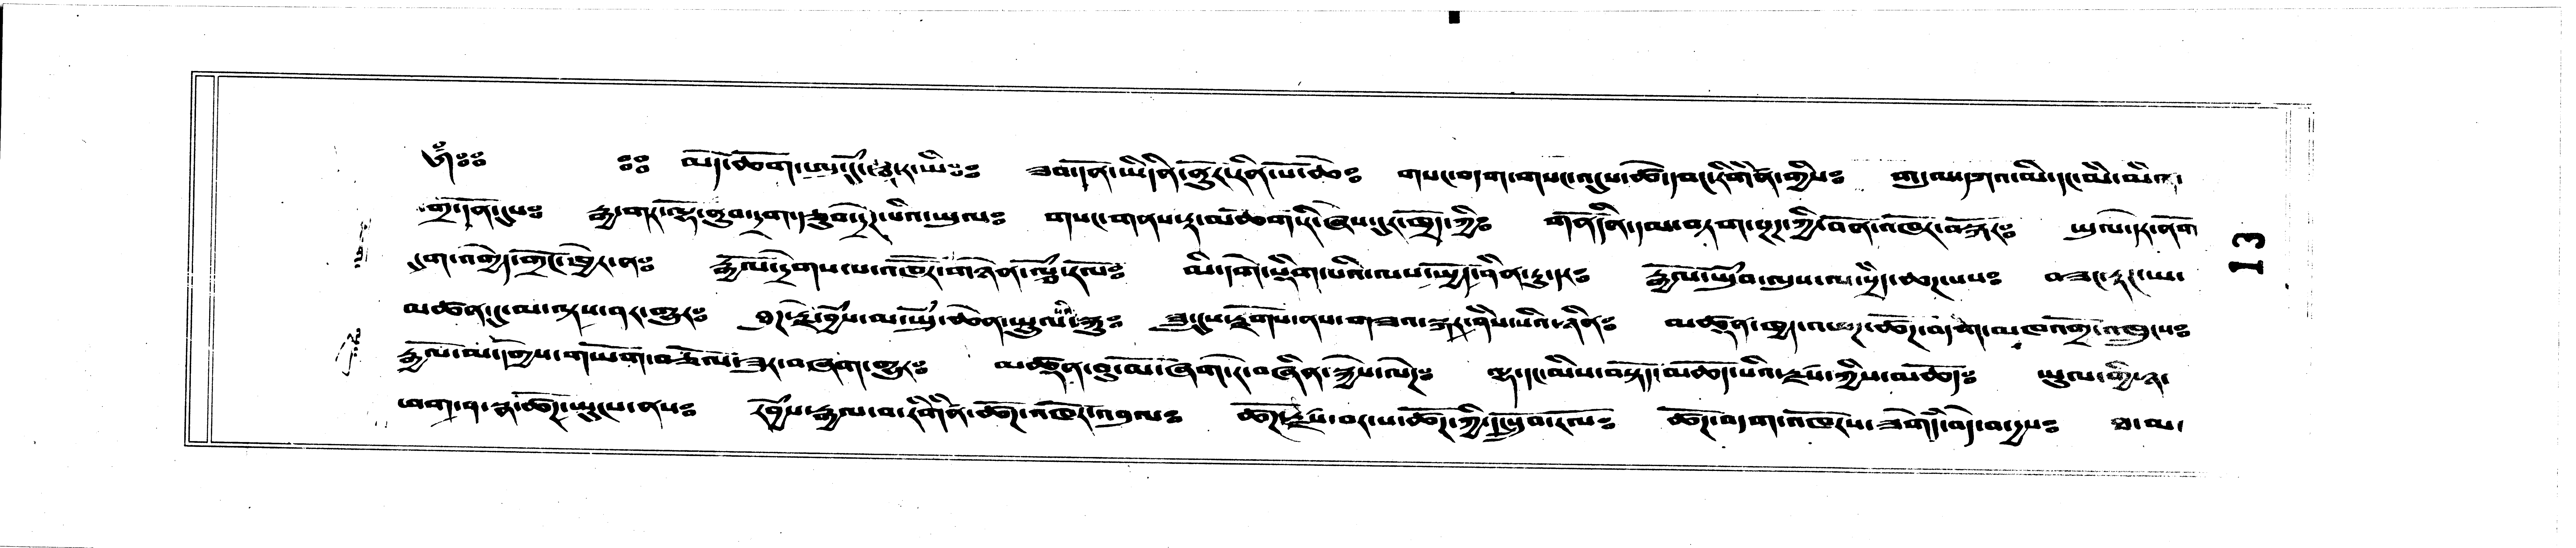མདོ་ཆོག་ཨུ་དུམ་ཝཱ་ར་ཡིཿ ཟབ་དོན་ཡིད་བཞིན་ནོར་བུ་རིན་པོ་ཆེཿ གསང་བདག་གསང་འདུས་ཚེ་དབང་རིག་འཛིན་གྱིསཿ གདུལ་དཀའ་མི་དང་མི་མིན་
འགྲོ་དོན་དུསཿ རྒྱ་གར་ལྷོ་ནུབ་དྲག་རྩུབ་དྲེགས་པའི་ཡུལཿ གསང་གནས་རྟ་མཆོག་རི་ཞེས་དུར་ཁྲོད་ཀྱིཿ གནོད་སྦྱིན་དམ་བཏགས་སྔགས་ཀྱི་བོན་འཁོར་བསྐོརཿ ཡུལ་དེར་ནག་
པོ་དུག་འགྱེད་གྲོང་ཁྱེར་ནཿ རྒྱལ་པོ་དྲེགས་པ་འཁོར་ལོ་གཉེན་ལྕམ་རོལཿ མི་དགེ་སྡིག་པའི་ལས་སྤྱོད་ཤིན་ཏུ་དརཿ རྒྱལ་པོ་ཡབ་ཡུམ་ལུས་ལ་སྲིད་ཆགས་པསཿ བཟང་རྟགས་ཡ་
མཚན་དུ་མ་ལྟས་ཤར་གྱུརཿ ཐུགས་རྗེ་བྱམས་མ་ཡུམ་ཆེན་སྤྲུལ་པའི་སྐུཿ ཟླ་དུས་རྫོགས་ནས་གཟའ་སྐར་ཤིས་པའི་ཉིནཿ མཚན་ལྡན་ཁྱད་འཕགས་ཚོགས་བདག་མཁའ་འགྲོ་འཁྲུངསཿ
 རྒྱལ་པོ་མ་དགྱེས་གཡོག་བཅོལ་ཟུར་བཞག་གྱུརཿ མཚན་ལྡན་བུ་མོ་ཞག་རེ་བཞིན་སྐྱེས་ལེགསཿ ལྷ་དང་མིས་བསྟོད་མཆོད་པའི་རྫས་ཀྱིས་མཆོདཿ ཡུལ་གྱི་ཉ་
ཕག་ཤ་སྣ་ཚོགས་སྤུངས་ནསཿ རབ་འབྱམས་རྒྱལ་བ་རིག་འཛིན་ཚོགས་འཁོར་འབུལཿ ཚོགས་རྫས་བར་པ་ཚོགས་ཀྱི་དངོས་གྲུབ་རོལཿ ཚོགས་བདག་འཁོར་བཅས་ཟག་མེད་བདེ་བ་རྒྱསཿ ཐ་མ་